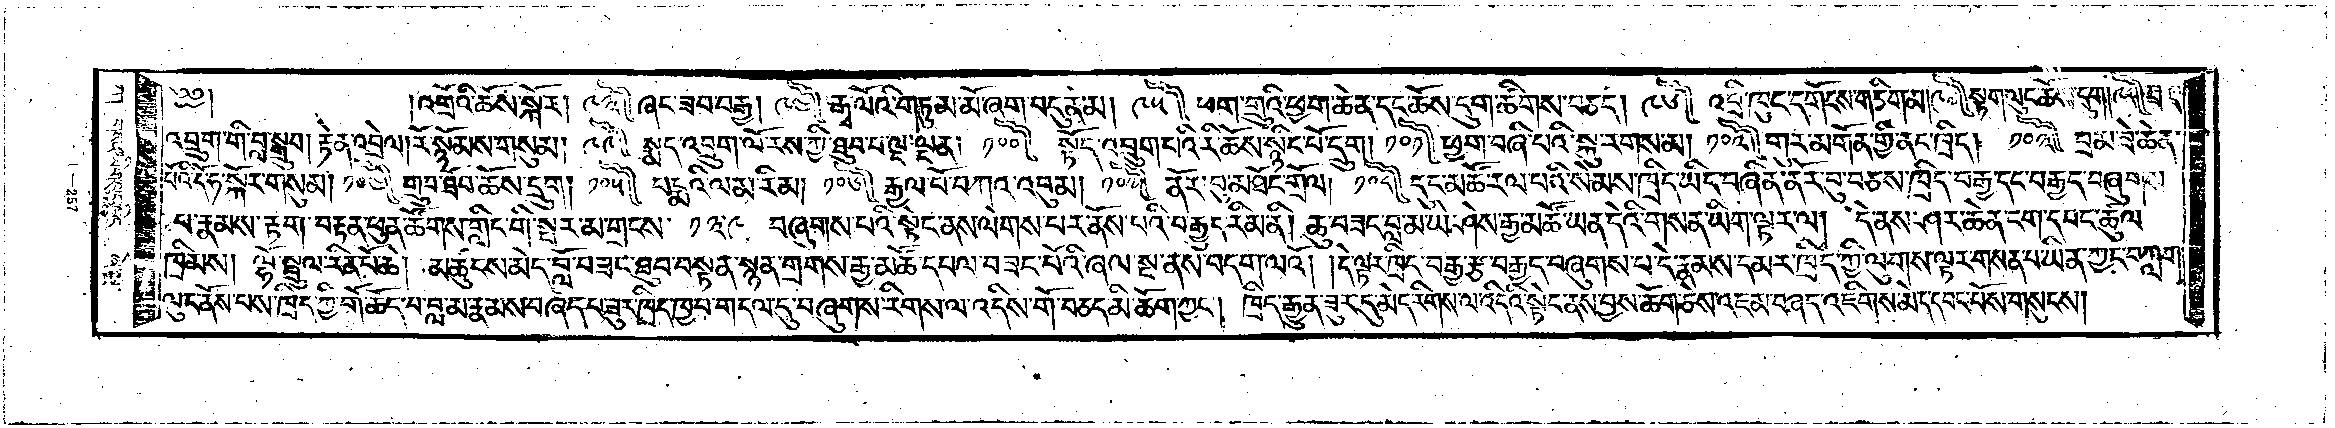༄༅། །འགྲོའི་ཆོས་སྐོར། ༩༣༼༽ ཞང་ཟབ་བརྒྱ། ༩༤༼༽ རྒྭ་ལོའི་གཏུམ་མོ་ཞག་བདུན་མ། ༩༥༼༽ ཕག་གྲུའི་ཕྱག་ཆེན་དང་ཆོས་དྲུག་ཚིགས་བཙད། ༩༦༼༽ འབྲི་ཁུང་དགོངས་གཅིག་མ། ༩༧༼༽ སྟག་ལུང་ཆོས་དྲུག། ༩༨༼༽ བང་
འབྲུག་གི་བླ་སྒྲུབ། རྟེན་འབྲེལ། རོ་སྙོམས་གསུམ། ༩༩༼༽ སྨད་འབྲུག་ལོ་རས་ཀྱི་ཐུབ་པ་ལྔ་ལྡན། ༡༠༠༼༽ སྟོད་འབྲུག་པའི་རི་ཆོས་སྙིང་པོ་དྲུག། ༡༠༡༼༽ ཕྱག་བཞི་པའི་སྐུ་རགས་མ། ༡༠༢༼༽ གུར་མགོན་གྱི་ནང་ཁྲིད། ༡༠༣༼༽ བྲམ་ཟེ་ཆེན་
པོའི་དོ་ཧ་སྐོར་གསུམ། ༡༠༤༼༽ གྲུབ་ཐོབ་ཆོས་དྲུག། ༡༠༥༼༽ པདམའི་ལམ་རིམ། ༡༠༦༼༽ རྒྱལ་པོ་བཀའ་འབུམ། ༡༠༧༼༽ ནོར་བུ་མཐོང་གྲོལ། ༡༠༨༼༽ དུང་མཚོ་རལ་པའི་སེམས་ཁྲིད་ཡིད་བཞིན་ནོར་བུ་བཅས་ཁྲིད་བརྒྱ་དང་བརྒྱད་བཞུགས་
པ་རྣམས་རྟག་བརྟན་ཕུན་ཚོགས་གླིང་གི་སྤར་མ་གྲངས ༡༣༩་བཞུགས་པའི་སྟེང་ནས་ལེགས་པར་ནོས་པའི་བརྒྱུད་རིམ་ནི། ཆུ་བཟང་བླ་མ་ཡེ་ཤེས་རྒྱ་མཚོ་ཡན་དེའི་གསན་ཡིག་ལྟར་ལ། དེ་ནས་ཤར་ཆེན་ངག་དབང་ཚུལ་
ཁྲིམས། ལྷོ་སྦྲུལ་རིན་པོ་ཆེ། མཚུངས་མེད་བློ་བཟང་ཐུབ་བསྟན་སྙན་གྲགས་རྒྱ་མཚོ་དཔལ་བཟང་པོའི་ཞལ་སྔ་ནས་བདག་ལའོ། །དེ་ལྟར་ཁྲིད་བརྒྱ་རྩ་བརྒྱད་བཞུགས་པ་དེ་རྣམས་དམར་ཁྲིད་ཀྱི་ལུགས་ལྟར་གསན་པ་ཡིན་ཀྱང་བཀླག་
ལུང་ནོས་པས་ཁྲིད་ཀྱི་གོ་ཆོད་པ་བླ་མ་རྣམས་བཞེད་པ་ཟུར་ཁྲིད་ཁྱབ་གདལ་དུ་བཞུགས་རིགས་ལ་འདིས་གོ་བཅད་མི་ཆོག་ཀྱང་། ཁྲིད་རྒྱུན་ཟུར་དུ་མེད་རིགས་ལ་འདིའི་སྟེང་ནས་བྱས་ཆོག་ཅེས་འཇམ་བཞད་འཇིགས་མེད་དབང་པོས་གསུངས།